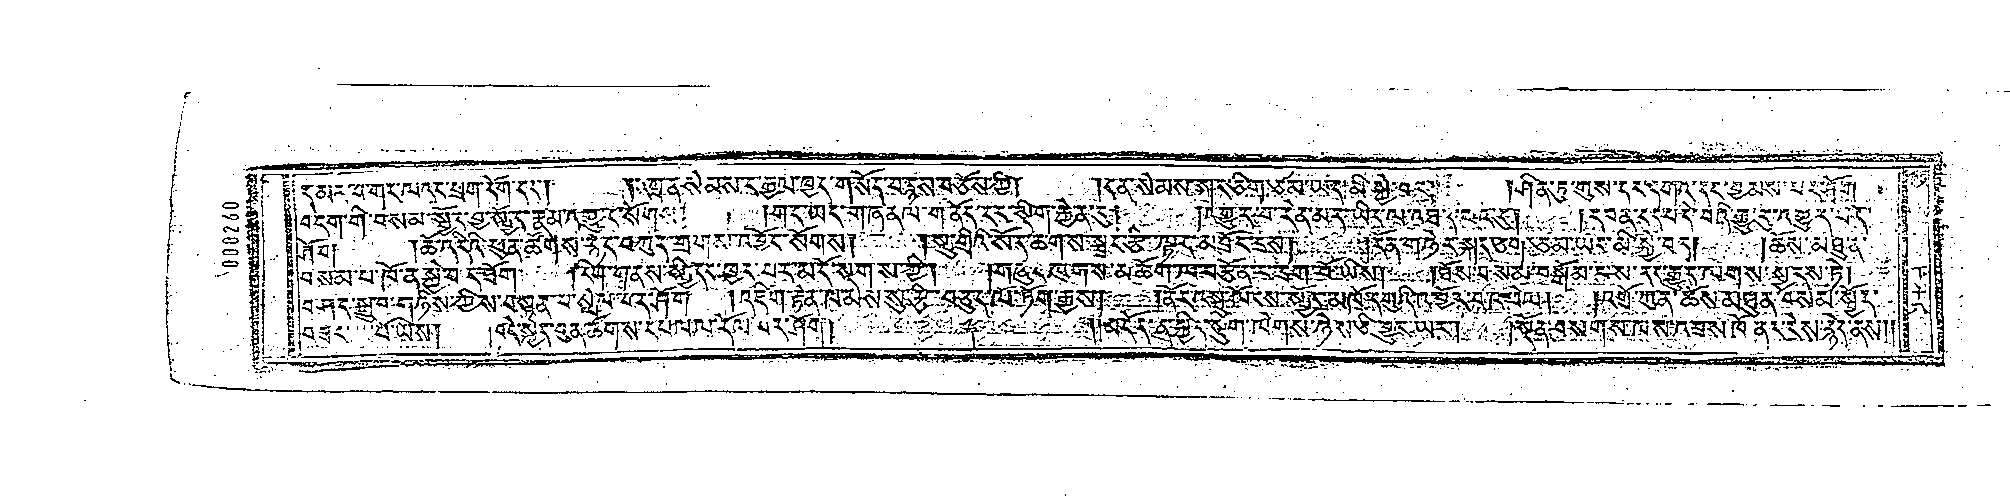དམན་པ་གང་ལའང་ཕྲག་དོག་དང་། །འགྲན་སེམས་ང་རྒྱལ་ཁྱད་གསོད་བརྙས་བཅོས་ཀྱི། །ངན་སེམས་སྐད་ཅིག་ཙམ་ཡང་མི་སྐྱེ་བར། །ཤིན་ཏུ་གུས་དང་དགའ་དང་བྱམས་པར་ཤོག་
བདག་གི་བསམ་སྦྱོར་བྱ་སྤྱོད་རྣམ་འགྱུར་སོགས། །གང་ཡང་གཞན་ལ་གནོད་དང་སྡིག་རྐྱེན་དུ། །འགྱུར་པ་རེན་མར་ཡིད་ལ་འཐད་པའི་དུ། །དབན་དད་བདེ་བའི་རྒྱུ་རུ་འགྱུར་བར་
ཤོག །ཆོ་འདིའི་ཕུན་ཚོགས་རྙེད་བཀུར་གྲགས་འབྱོང་སོགས། །སྤུ་གྲིའི་སོར་ཆགས་སྦྲང་རྩི་ལྟར་འབྲོང་དྲས། །དོན་གཉེར་སྐད་ཅིག་ཙམ་ཡང་མི་སྐྱེ་བར། །ཆོས་མཐུན་
བསམ་པ་ཁོ་ན་སྐྱེ་བར་ཤོག །རིག་གནས་སྤྱི་དང་ཁྱད་པར་མདོ་སྔགས་ཀྱི། །གཞུང་ཁུགས་མཆོག་ལ་བརྩོན་པ་དྲག་པོ་ཡིས། །ཐོས་བསམ་བསྒོམ་པས་རང་རྒྱུད་ལེགས་སྦྱངས་ཏེ།
བཤད་སྒྲུབ་གཉིས་ཀྱིས་བསྟན་པ་སྤེལ་བར་ཤོག །འཇིག་རྟེན་ཁམས་སུ་རྩི་བཅུད་ལོ་ཏོག་རྒྱས། །ནོར་འྶྦུ་ལོངས་སྤྱོད་མཁོད་གུའི་འབྱོར་བ་འཕེལ། །འགྲོ་ཀུན་ཆོས་མཐུན་བསམ་སྦྱོར་
བཟང་པོ་ཡིས། །བདེ་སྐྱིད་ཕུན་ཚོགས་དཔལ་ལ་རོལ་བར་ཤོག། ༈ །།མདོར་ན་སྐྱིད་སྡུག་ལེགས་ཉེས་ཅི་བྱུང་ཡང་། །སྔོན་བསགས་ལས་འབྲས་ཁོ་ནར་ངེས་རྙེད་ནས།།